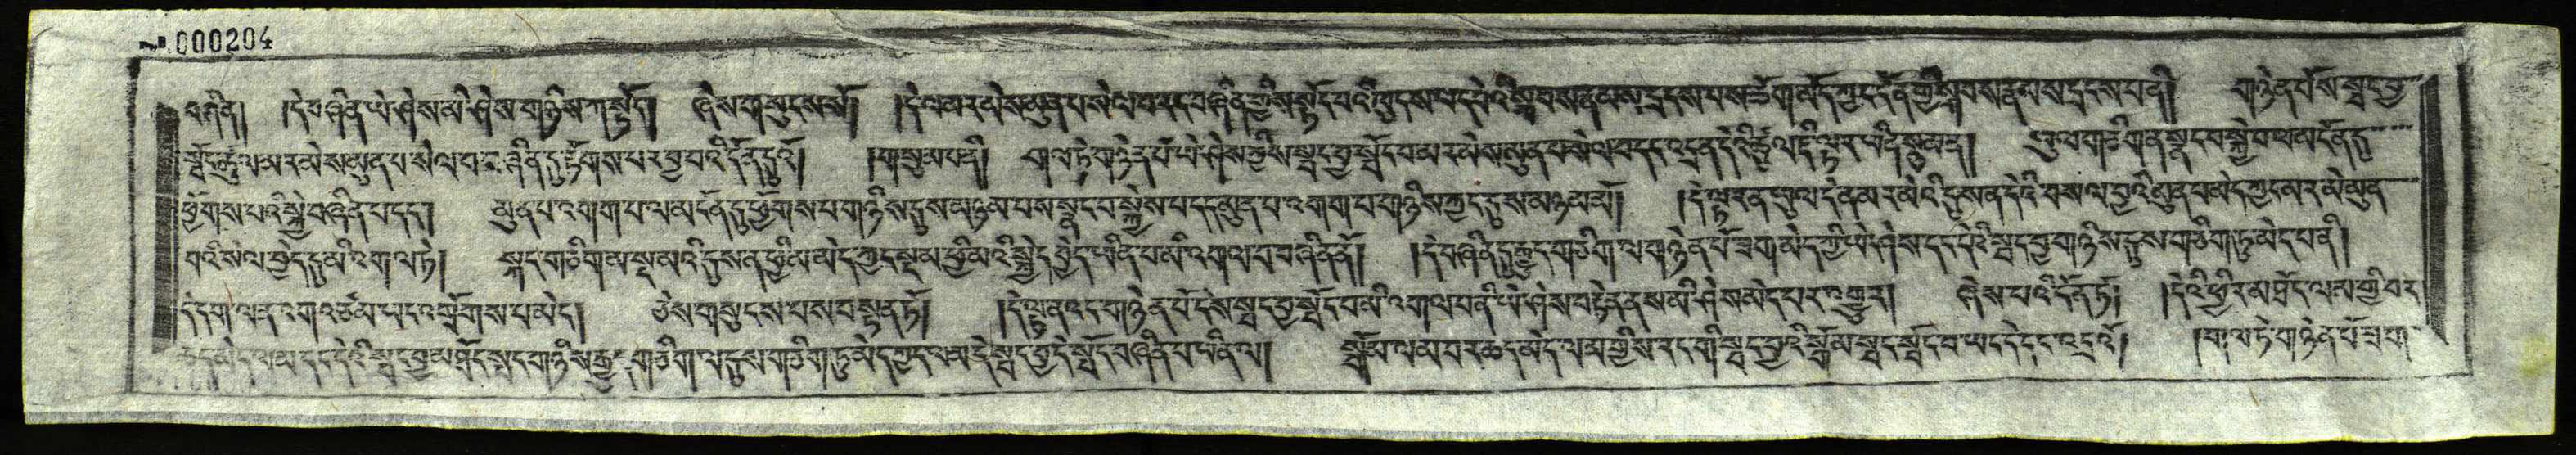བཞིན། །དེ་བཞིན་ཡེ་ཤེས་མི་ཤེས་གཉིས་ཀ་སྟོང་། ཞེས་གསུངས་སོ། །དེ་ལ་མར་མེས་མུན་པ་སེལ་བ་རང་བཞིན་གྱིས་སྟོང་པའི་ཁུངས་པ་དཔེའི་སྐབས་རྣམས་དྲངས་པས་ཆོག་མོད་ཀྱང་དོན་གྱི་སྐབས་རྣམས་དྲངས་པ་ནི། གཉེན་པོས་སྤང་བྱ་
སྤོང་ཚུལ་མར་མེས་མུན་པ་སེལ་བ་བཞིན་དུ་རྟོགས་པར་བྱ་བའི་དོན་དུའོ། །གསུམ་པ་ནི། གལ་ཏེ་གཉེན་པོ་ཡེ་ཤེས་ཀྱིས་སྤང་བྱ་སྤོང་བ་མར་མེས་མུན་པ་སེལ་བ་དང་འདྲ་ན་དེའི་ཚུལ་ཇི་ལྟར་ཡིན་སྙམ་ན། ཡུལ་གཅིག་ན་སྣང་བ་སྐྱེ་བ་ལ་མངོན་དུ་
ཕྱོགས་པའི་སྐྱེ་བཞིན་པ་དང་། མུན་པ་འགག་པ་ལ་མངོན་དུ་ཕྱོགས་པ་གཉིས་དུས་མཉམ་པ་སྣང་བ་སྐྱེས་པ་དད་མུན་པ་འགག་པ་གཉིས་ཀྱང་དུས་མཉམ་མོ། །དེ་ལྟར་ན་ཡུལ་དེ་ན་མར་མེའི་དུས་ན་དེའི་བསལ་བྱའི་མུན་པ་མེད་ཀྱང་མར་མེ་མུན་
བའི་སེལ་བྱེད་དུ་མི་འགལ་ཏེ། སྐད་གཅིག་མ་སྔ་མའི་དུས་ན་ཕྱི་མ་མེད་ཀྱང་སྔ་མ་ཕྱི་མའི་སྐྱེད་བྱེད་ཡིན་པ་མི་འགལ་བ་བཞིན་ནོ། །དེ་བཞིན་རྒྱུད་གཅིག་ལ་གཉེན་པོ་ཟག་མེད་ཀྱི་ཡེ་ཤེས་དང་དེའི་སྤང་བྱ་གཉིས་དུས་གཅིག་ཏུ་མེད་པ་ནི།
དེ་དག་ལན་འགའ་ཙམ་ཡང་འགྲོགས་པ་མེད། ཅེས་གསུངས་པས་བསྟན་ཏོ། །དེ་ལྟ་ནའང་གཉེན་པོ་དེས་སྤང་བྱ་སྤོང་བ་མི་འགལ་བ་ནི་ཡེ་ཤེས་བརྟེན་ནས་མི་ཤེས་མེད་པར་འགྱུར། ཞེས་པའི་དོན་ཏོ། །དེའི་ཕྱིར་མཐོང་ལམ་གྱི་བར་
ཆད་མེད་ལམ་དང་དེའི་སྤང་བྱ་མཐོང་སྤང་གཉིས་རྒྱུད་གཅིག་ལ་དུས་གཅིག་ཏུ་མེད་ཀྱང་ལམ་དེ་སྤང་བྱ་དེ་སྤོང་བཞིན་པ་ཡིན་ལ། སྒོམ་ལམ་བར་ཆད་མེད་ལམ་གྱིས་རང་གི་སྤང་བྱའི་སྒོམ་སྤང་སྤོང་བ་ཡང་དེ་དང་འདྲའོ། །གལ་ཏེ་གཉེན་པོ་ཟག་